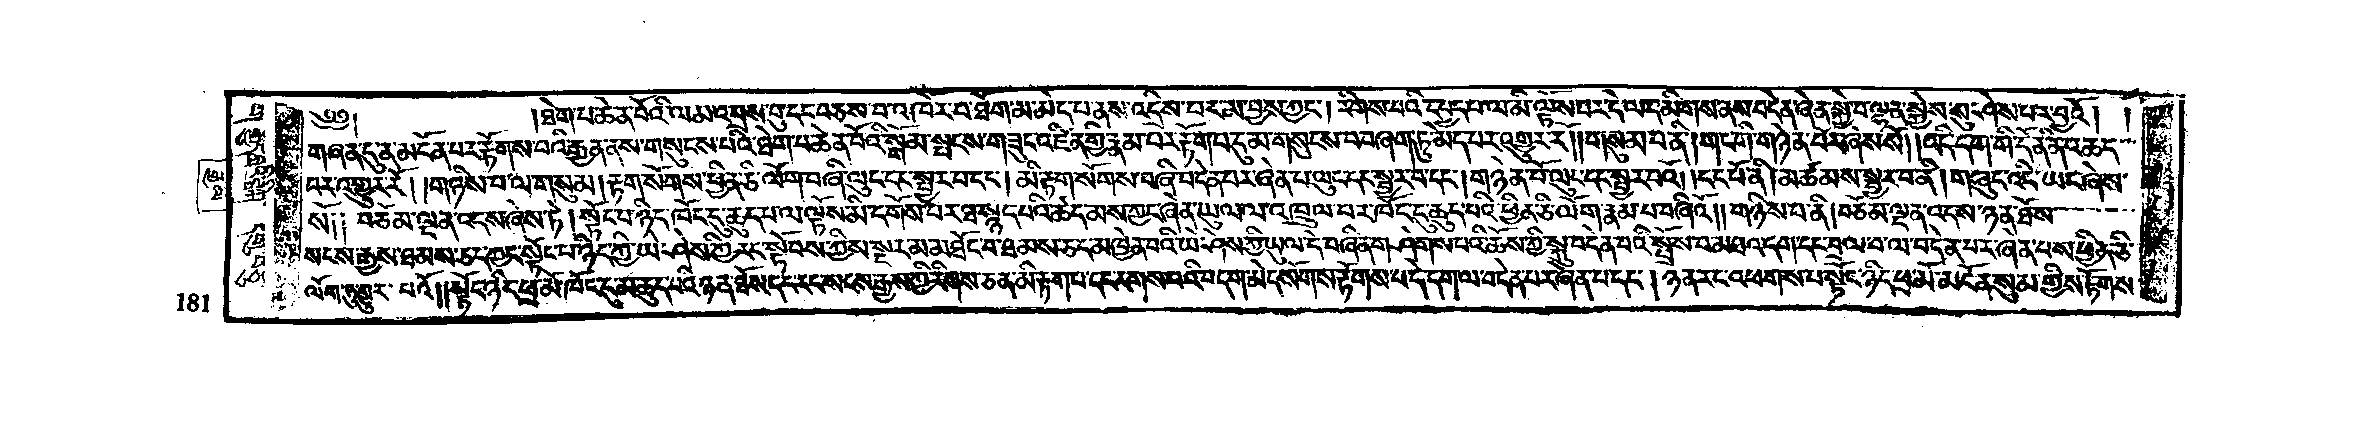༄༅། །ཐེག་པ་ཆེན་པོའི་ལམ་འབྲས་བུ་དང་བཅས་པ་འཁོར་བ་ཐོག་མ་མེད་པ་ནས་འདྲིས་པར་མ་བྱས་ཀྱང་། རིགས་པའི་དཔྱད་པ་ལ་མི་ལྟོས་པར་དེ་ལ་དམིགས་ནས་བདེན་ཞེན་སྐྱེ་བ་ལྷན་སྐྱེས་སུ་ཤེས་པར་བྱའོ། །
གཞན་དུ་ན་མངོན་པར་རྟོགས་པའི་རྒྱན་ནས་གསུངས་པའི་ཐེག་པ་ཆེན་པོའི་སྒོམ་སྤངས་གཟུང་འཛིན་གྱི་རྣམ་པར་རྟོག་པ་དུ་མ་གསུངས་པ་བཞག་ཏུ་མེད་པར་འགྱུར་རོ། །གསུམ་པ་ནི། གང་གི་གཉེན་པོར་ཞེས་སོ། །འདི་དག་གི་དོན་ནི་འཆད་
པར་འགྱུར་རོ། །གཉིས་པ་ལ་གསུམ། རྟག་སོགས་ཕྱིན་ཅི་ལོག་བཞི་ལུང་དང་སྦྱར་བ་དང་། མི་རྟག་སོགས་བཞི་བདེན་པར་ཞེན་པ་ལུང་དང་སྦྱར་བ་དང་། གཉེན་པོ་ལུང་དང་སྦྱར་བའོ། །དང་པོ་ནི། མཚམས་སྦྱར་བ་ནི། གཞུང་འདི་ཡང་ཞེས་
སོ༑ ༑བཅོམ་ལྡན་འདས་ཞེས་ཏེ། སྟོང་པ་ཉིད་ཁོང་དུ་ཆུད་པ་ལ་ལྟོས་མི་དགོས་པར་ཐ་སྙད་པའི་ཚད་མས་ཀྱང་ཞེན་ཡུལ་ལ་འཁྲུལ་པར་ཁོང་དུ་ཆུད་པའི་ཕྱིན་ཅི་ལོག་རྣམ་པ་བཞིའོ། །གཉིས་པ་ནི། བཅོམ་ལྡན་འདས་ཉན་ཐོས་
སངས་རྒྱས་ཐམས་ཅད་ཀྱང་སྟོང་པ་ཉིད་ཀྱི་ཡེ་ཤེས་ཀྱི་རང་སྟོབས་ཀྱིས་སྔར་མ་མཐོང་བ་ཐམས་ཅད་མཁྱེན་པའི་ཡེ་ཤེས་ཀྱི་ཡུལ་དེ་བཞིན་གཤེགས་པའི་ཆོས་ཀྱི་སྐུ་བདེན་པའི་སྤྲོས་པ་མཐའ་དག་དང་བྲལ་བ་ལ་བདེན་པར་ཞེན་པས་ཕྱིན་ཅི་
ལོག་ཏུ་གྱུར་པའོ། །སྟོང་ཉིད་ཕྲ་མོ་ཁོང་དུ་མ་ཆུད་པའི་ཉན་ཐོས་དང་རང་སངས་རྒྱས་ཀྱི་རིགས་ཅན་མི་རྟག་པ་དང་རགས་པའི་བདག་མེད་སོགས་རྟོགས་པ་དེ་དག་ལ་བདེན་པར་ཞེན་པ་དང་། ཉན་རང་འཕགས་པ་སྟོང་ཉིད་ཕྲ་མོ་མངོན་སུམ་གྱིས་རྟོགས་